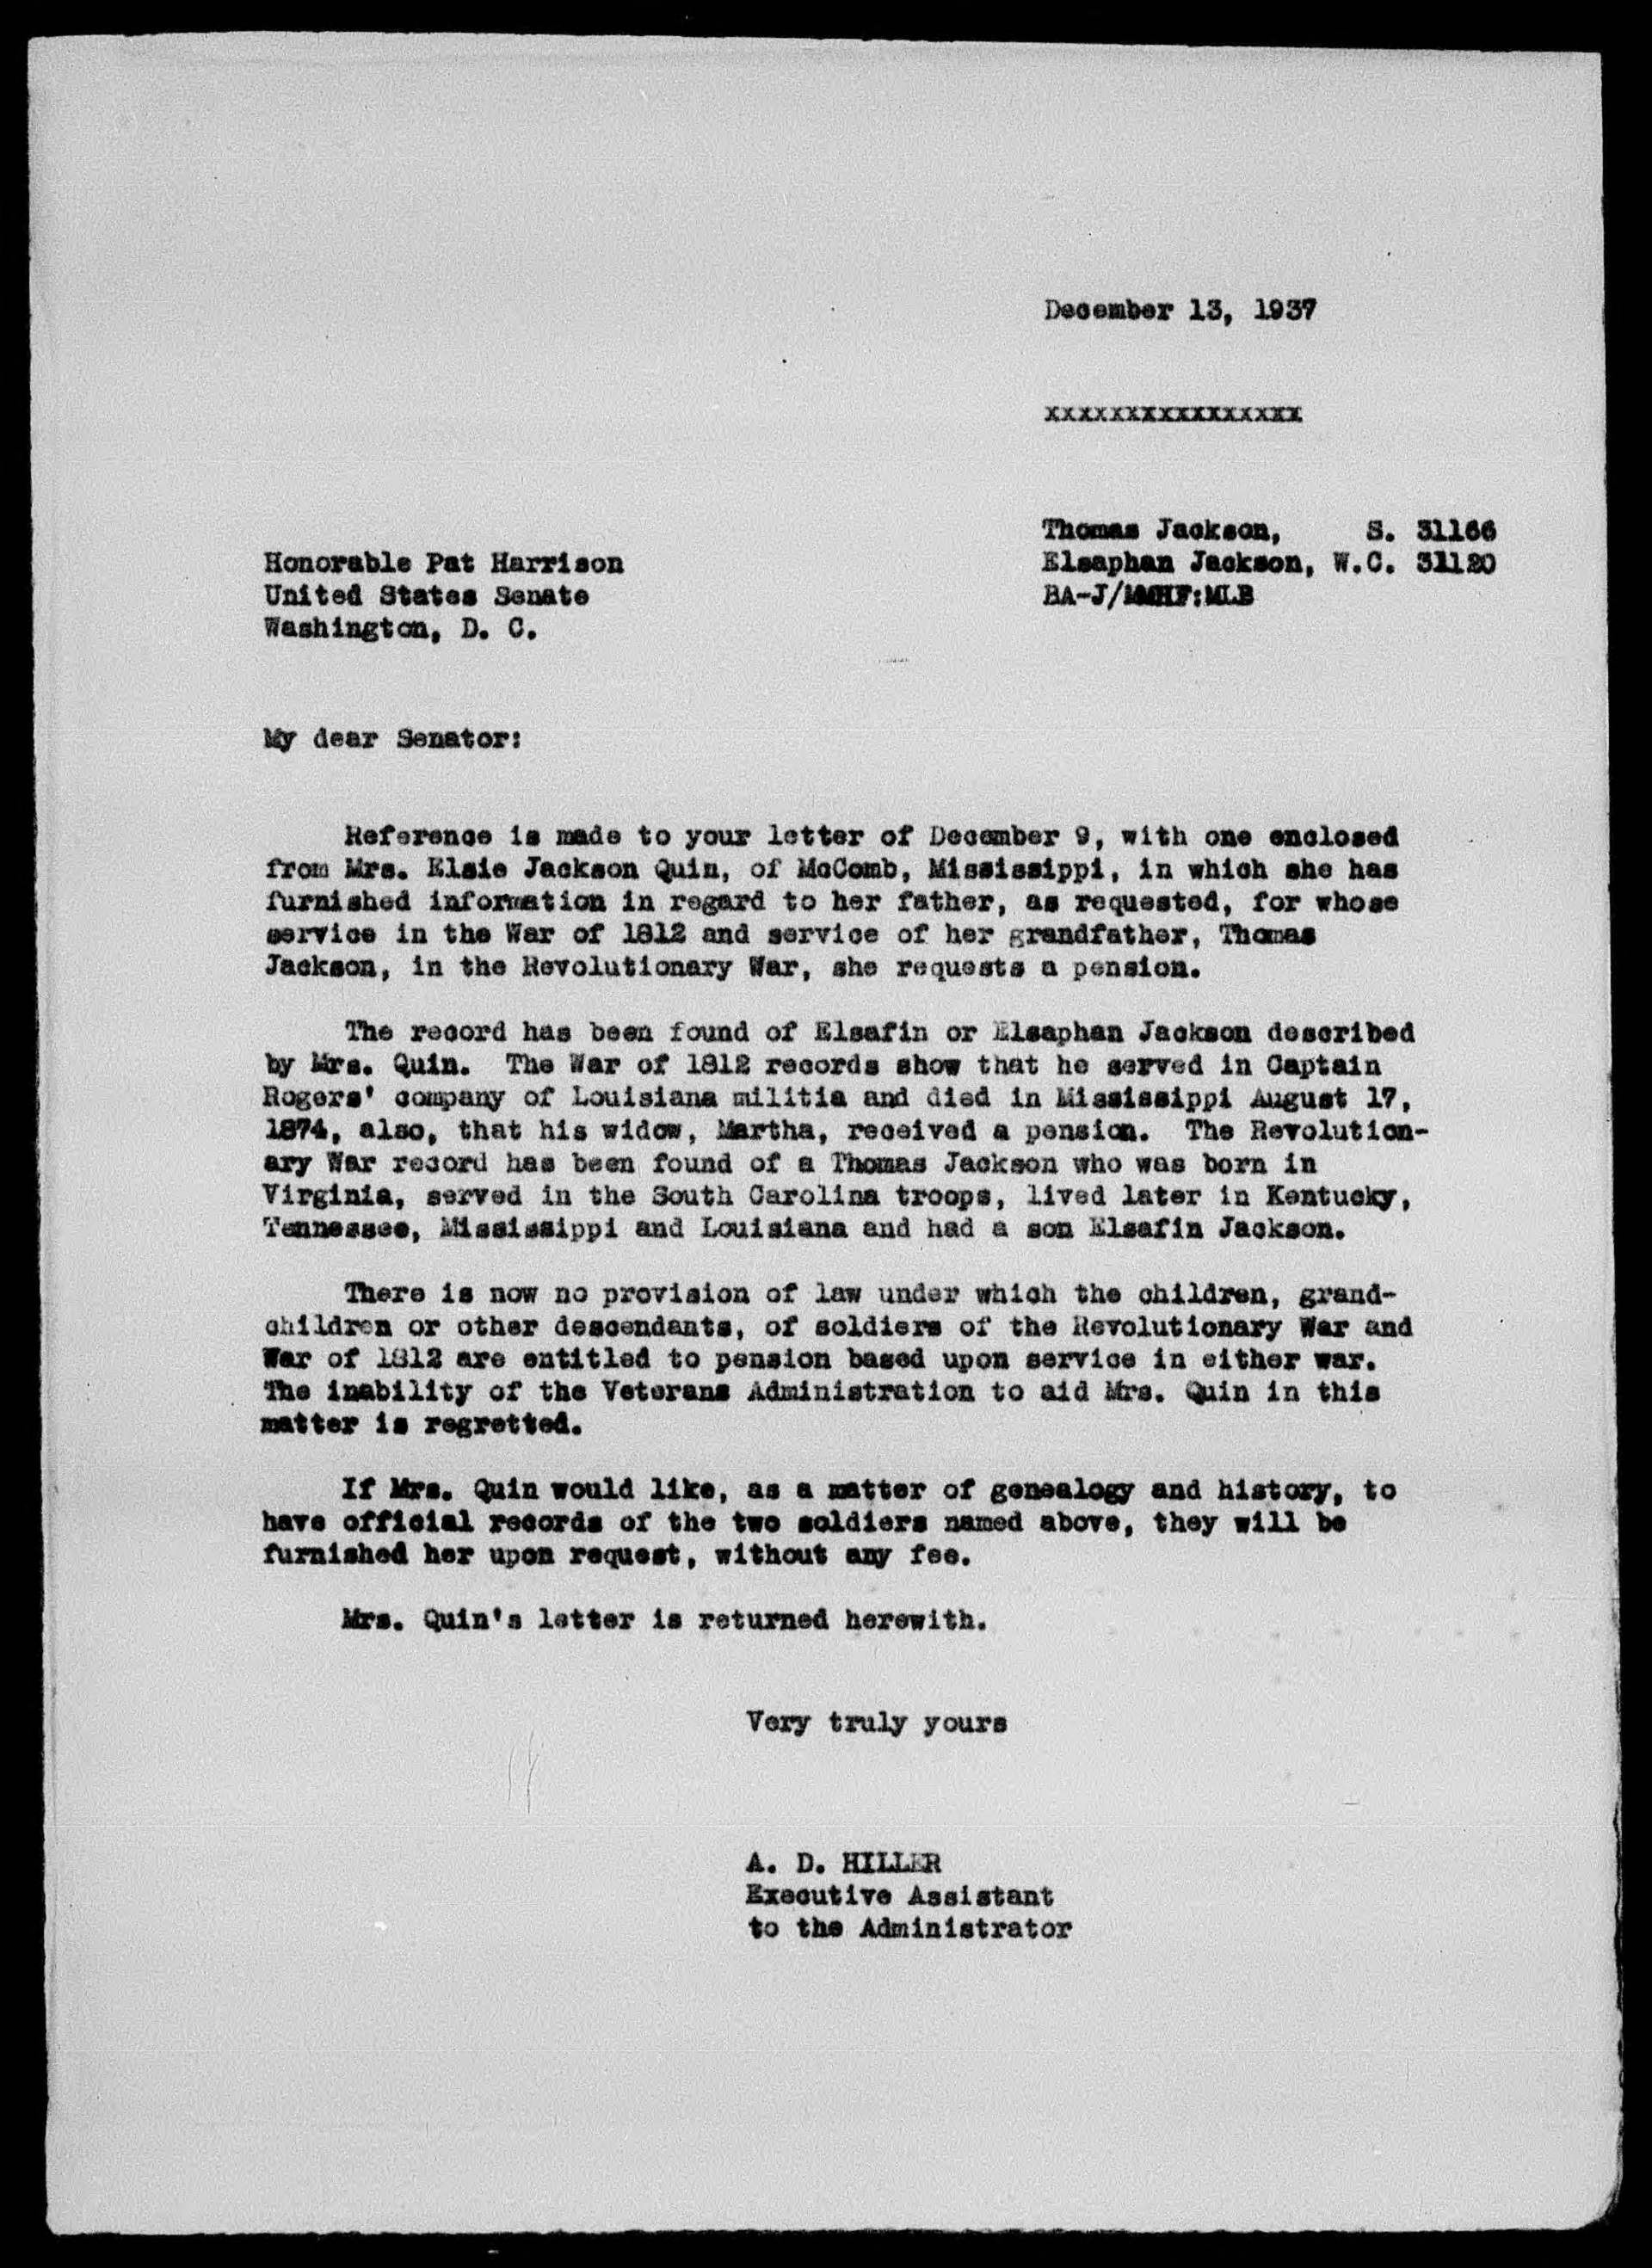December 13, 1937
XXXXXXXXXXXXXXXX
Thomas Jackson, S. 31166
Elsaphan Jackson, W.C. 31120
BA-J/ASHF:MLB

Honorable Pat Harrison
United States Senate
Washington, D. C.
My dear Senator:

Reference is made to your letter of December 9, with one enclosed
from Mrs. Elsie Jackson Quinn, of Macomb, Mississippi, in which she has
furnished information in regard to her father, as requested, for whose
service in the War of 1812 and service of her grandfather, Thomas
Jackson, in the Revolutionary War, she requests a pension.

The record has been found of Elsafin or Elsaphan Jackson described
by Mrs. Quin. The War of 1812 records show that he served in Captain
Rogers' company of Louisiana militia and died in Mississippi August 17,
1874, also, that his widow, Martha, received a pension. The Revolutionary 
War record has been found of a Thomas Jackson who was born in
Virginia, served in the South Carolina troops, lived later in Kentucky,
Tennessee, Mississippi and Louisiana and had a son Elsafin Jackson.

There is now no provision of law under which the children, grandchildren
or other descendants of soldiers of the Revolutionary War and
War of 1812 are entitled to pension based upon service in either war.
The inability of the Veterans Administration to aid Mrs. Quin in this
matter is regretted.

If Mrs. Quin would like, as a matter of genealogy and history, to
have official records of the two soldiers named above, they will be
furnished her upon request, without any fee.

Mrs. Quin's letter is returned herewith.
Very truly yours
A. D. HILLER
Executive Assistant
to the Administrator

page: 53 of 54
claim: survivor's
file: S. 31166, for Thomas Jackson, South Carolina